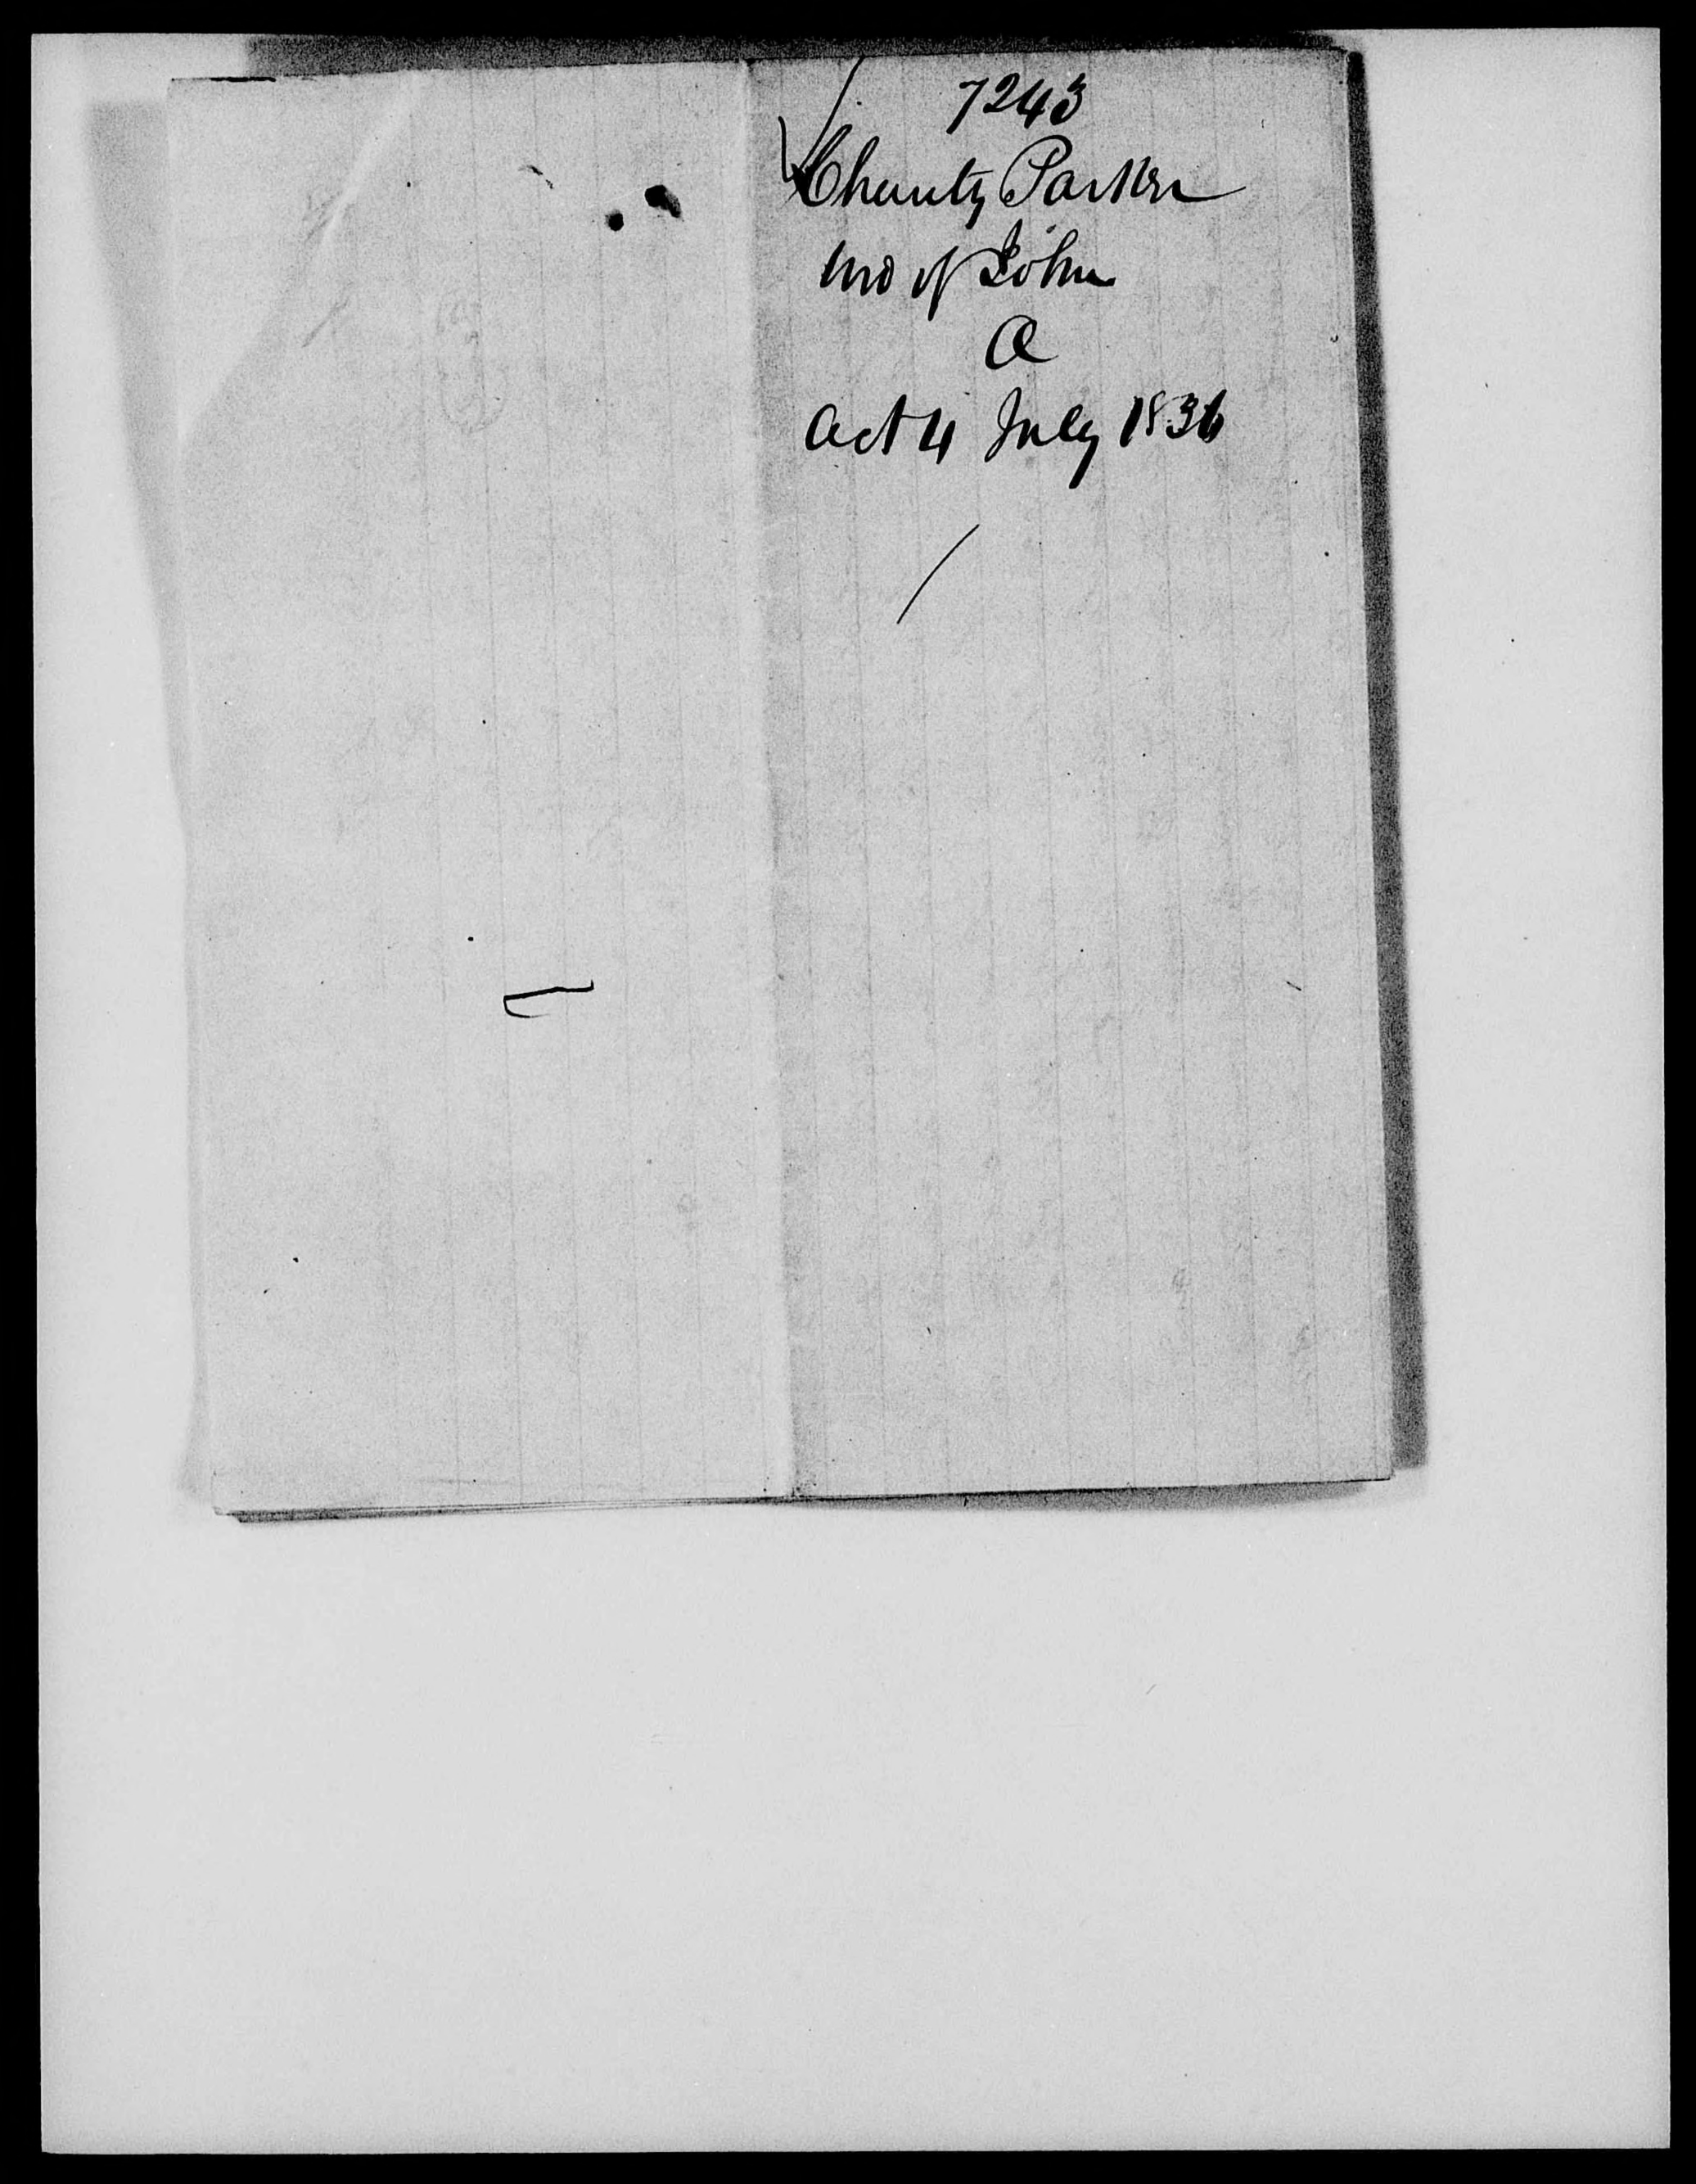7245
Charity Parker
Wid of John
A
 Act 4 July 1856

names: John Parker; Charity Parker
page: 7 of 40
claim: widow's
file: W. 3,588, for John Parker, Pennsylvania